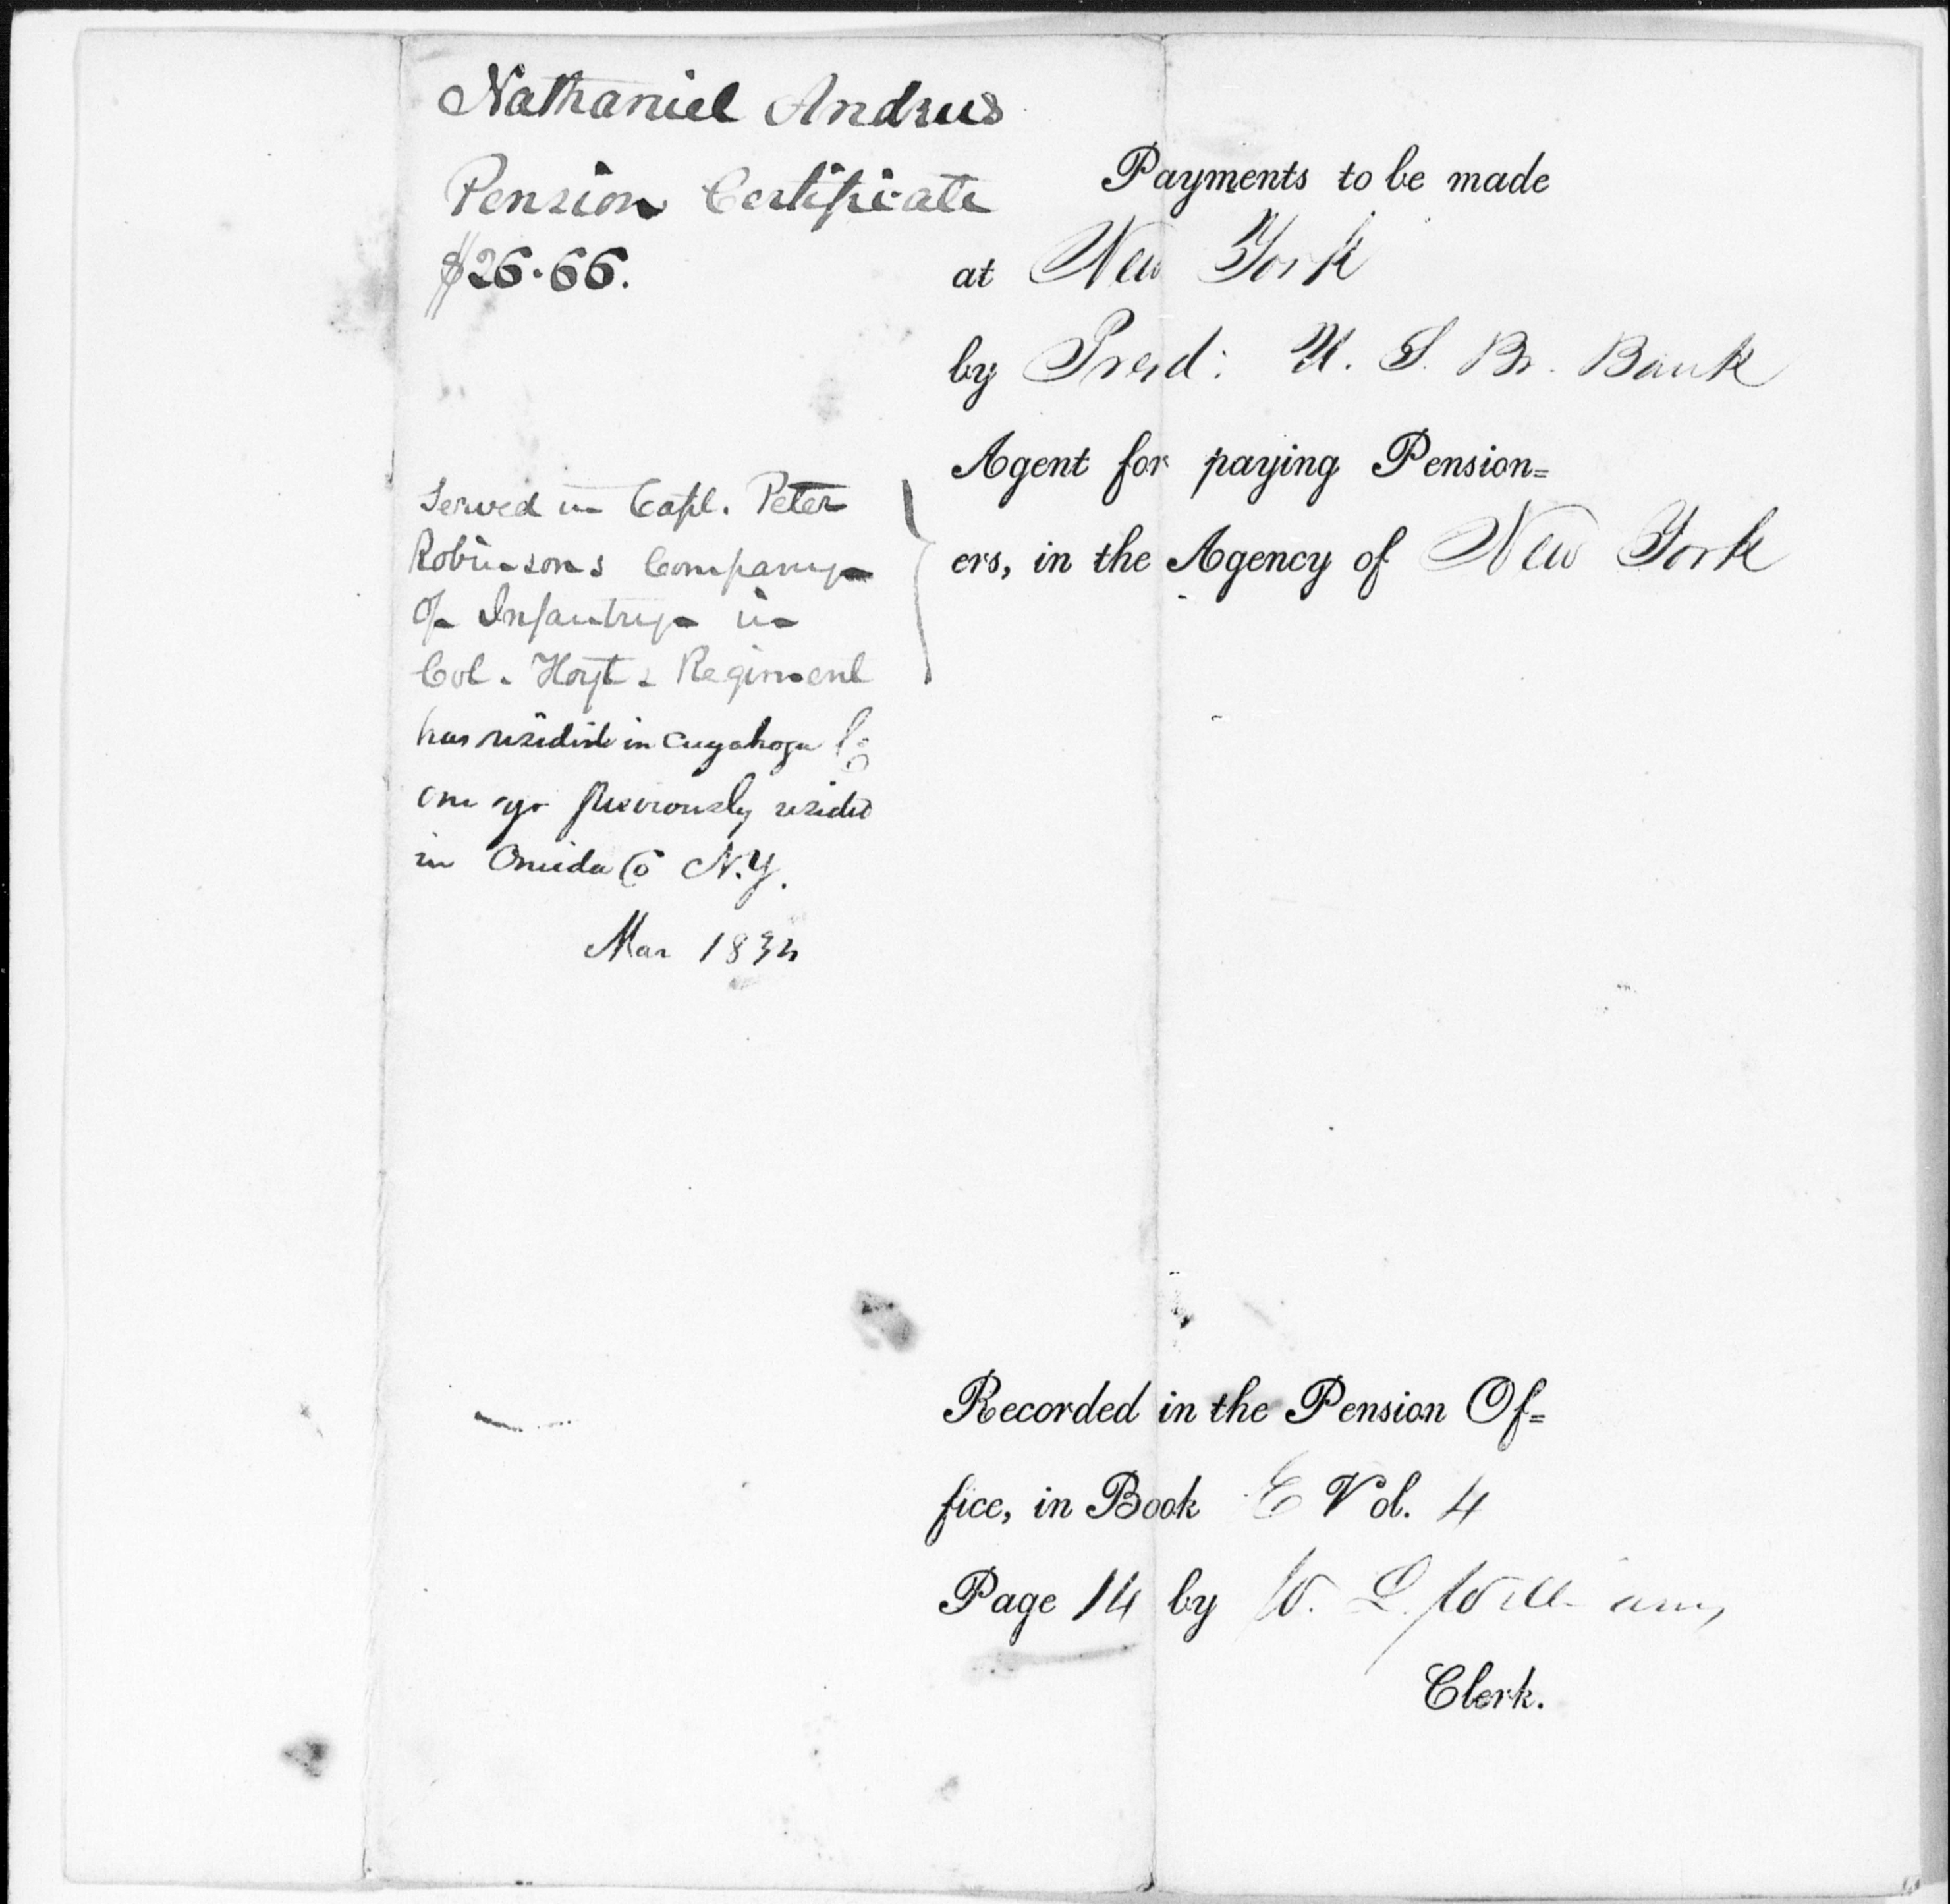Nathaniel Andrews
Pension Certificate
$26.66
Payments to be made
at New York
by [illegible] H. G. B. Bank
Agent for paying Pensioners, 
in the Agency of New York
served in Capt. Peter
Robinsons Company
of Infantry in
Col. Hoyt Regiment
has resided in Cuyahoga Co
one yr previously resided
in Oneida Co N.Y
May 1834
Recorded in the Pension Office, 
in Book E Vol. 4
Page 14
by W. L. Williams
Clerk.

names: Nathaniel Andrus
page: 60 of 78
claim: widow's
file: W. 4117, Nathaniel Bradley, Conn.